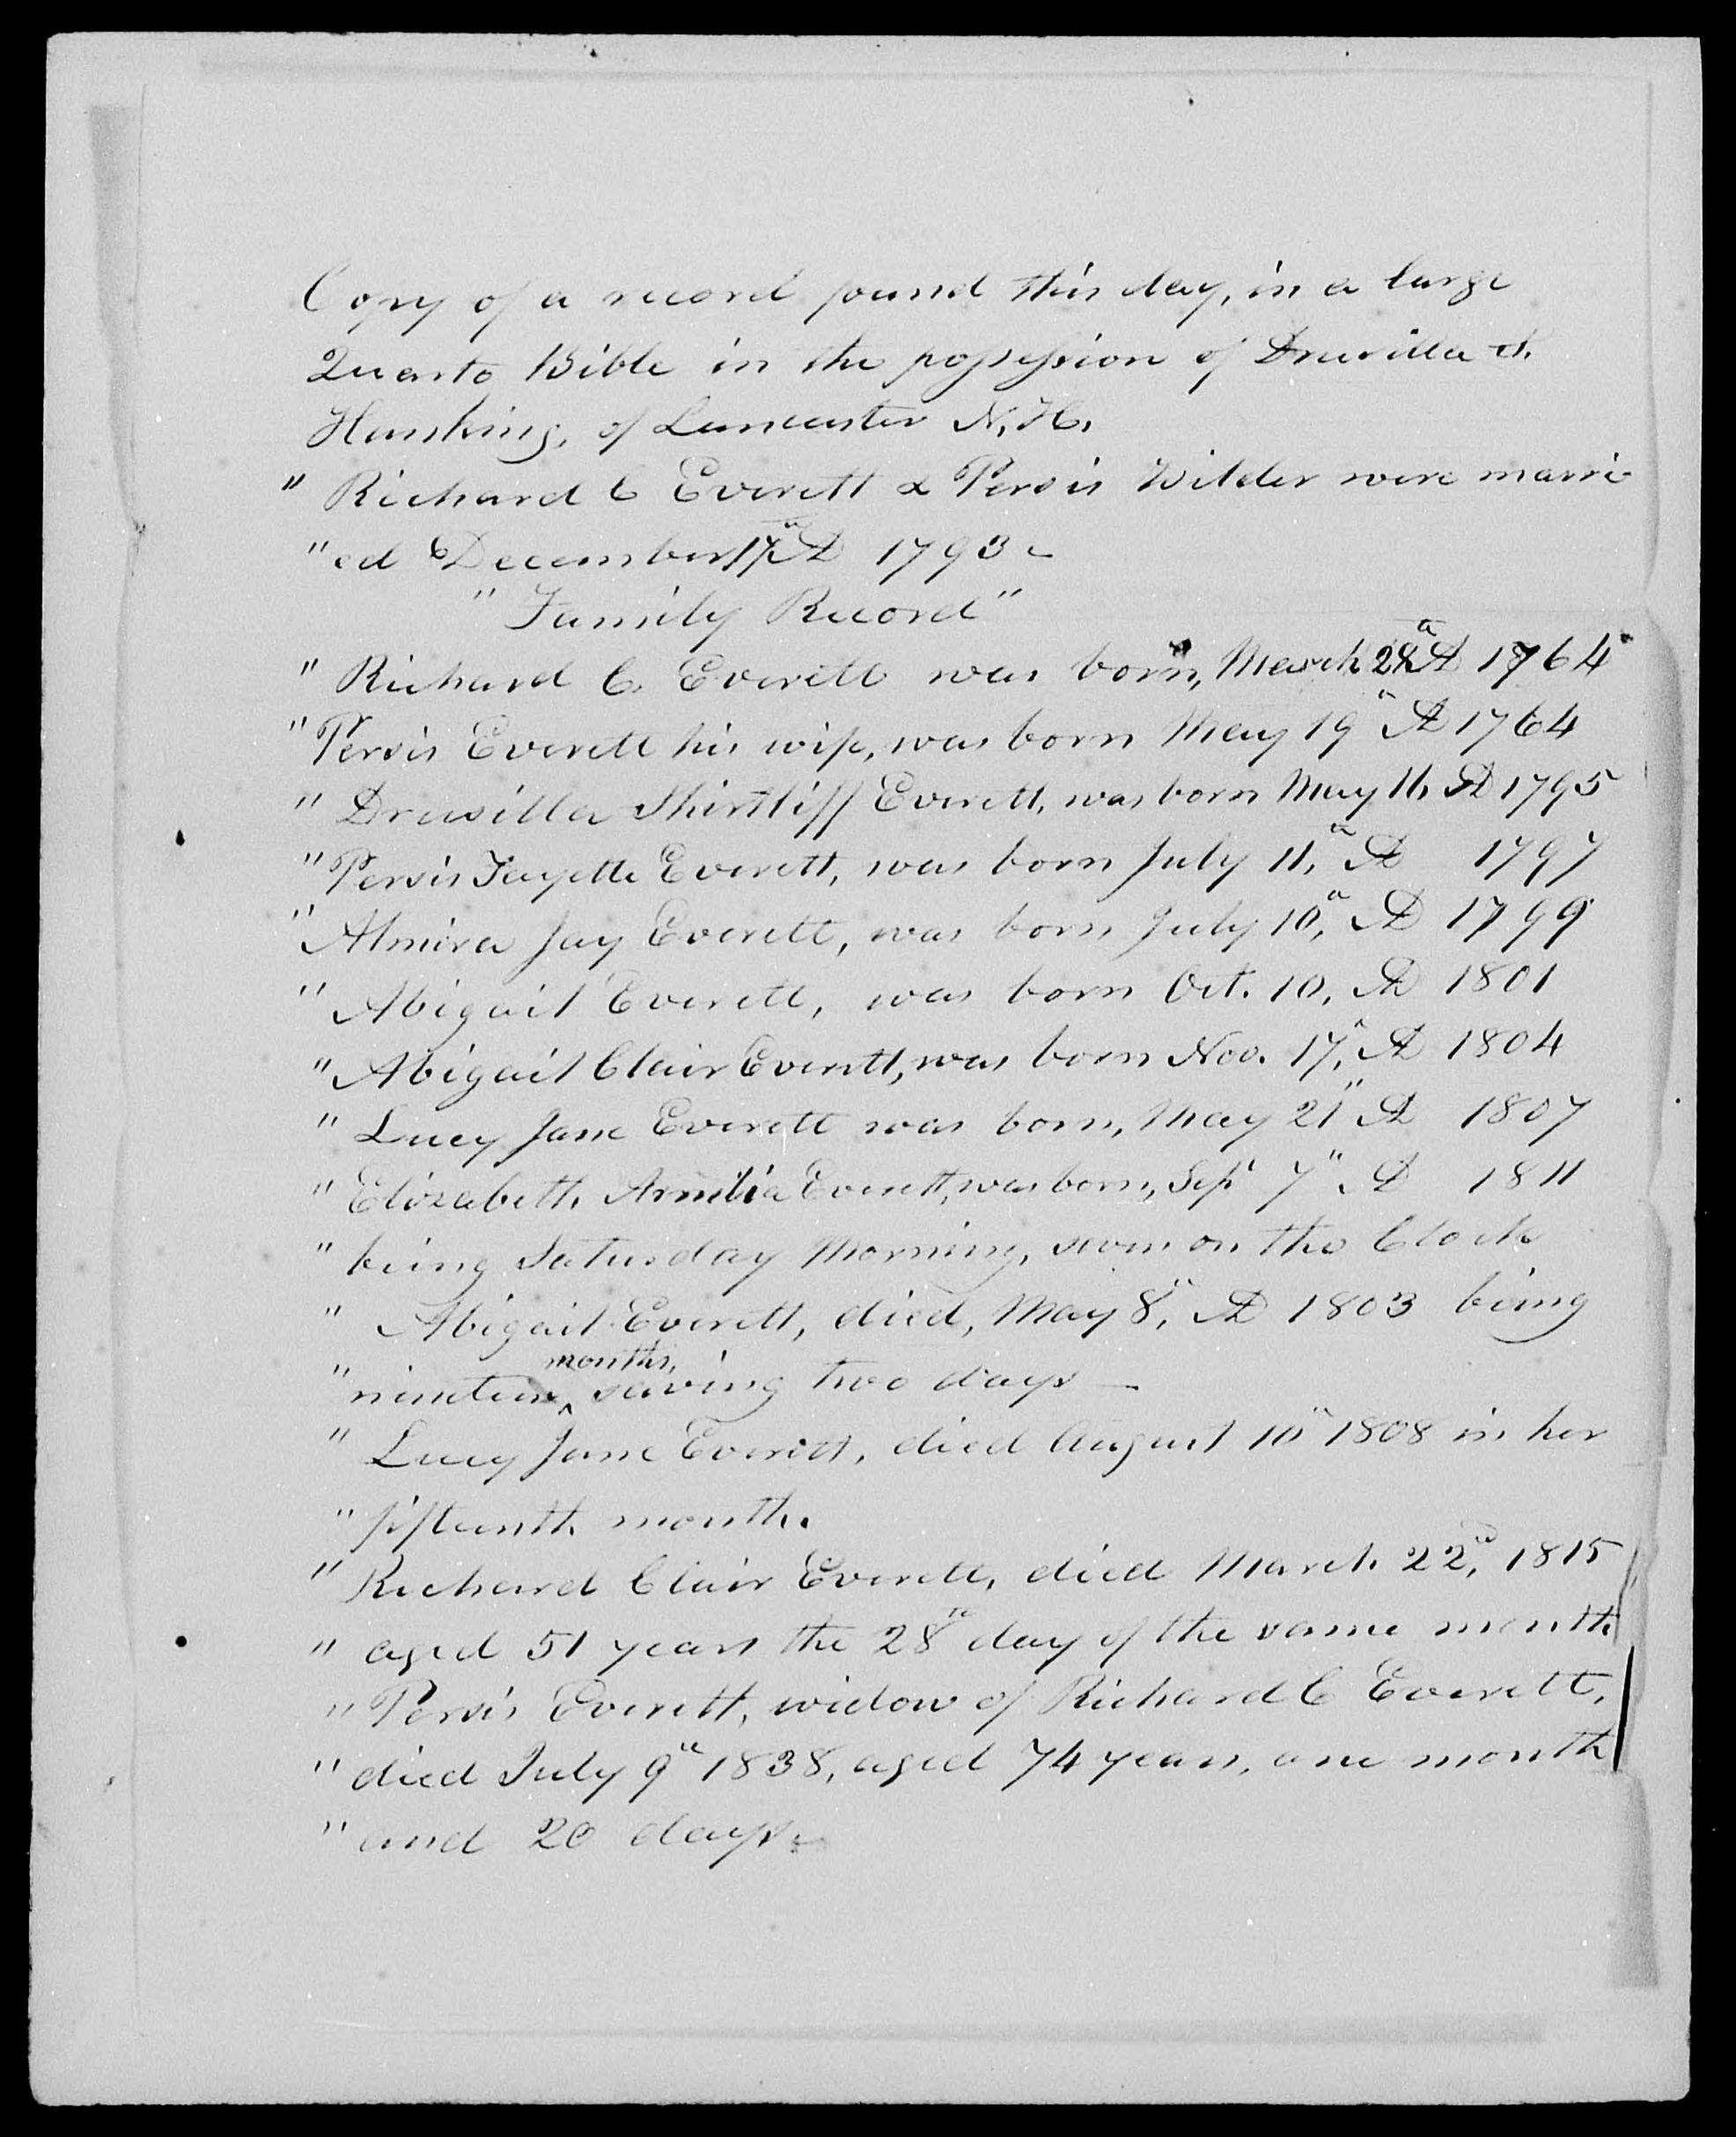Copy of a record found this day, in a large quarto Bible (see comment) in the possession of Drusilla S Hunking of Lancaster N.H.
" Richard C Everett & Persis Wilder were married December 1793.

"Family Record"

"Richard C. Everett was born March 28 1764
"Persis Everett his wife, was born May 19 1764
"Drusilla Shirtliff Everett, was born May 16 AD 1795
"Persis Fayette Everett, was born July 11th 1797
"Almira Jay Everett, was born July 10, AD 1799
"Abigail Everett, was born Oct. 10, AD 1801
"Abigail Clair Everett, was born Nov. 17, AD 1804
"Lucy Jane Everett was born May 21. AD 1807
"Elizabeth Arnilia Everett, was born Sept 7 1811
"being Saturday Morning, seven on the Clock
"Abigail Everett, died, May 8, AD 1803 being
"nineteen months saving two days
"Lucy Jane Everett, died August 10th 1808 in "her fifteenth month
"Richard Clair Everett, died March 22 1815
"aged 51 years the 28th day of the same month
"Persis Everett, widow of Richard C Everett,
"died July 9th 1838, aged 74 years, one month
"and 20 days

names: Persis Everett, Lucy Jane Everett, Abigail Everett, Elizabeth Arnilia Everett, Abigail Clair Everett, Persis Wilder, Persis Everett, Lucy Jane Everitt, Richard C Everett, Richard C Everett, Richard C Everett, Abigail Everett, Richard Clair Everett, Persis Fayette Everett, Drusilla Shirtliff Everett, Almira Jay Everett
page: 11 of 59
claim: widow's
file: W. 23017, Richard Clair Everett, Mass.